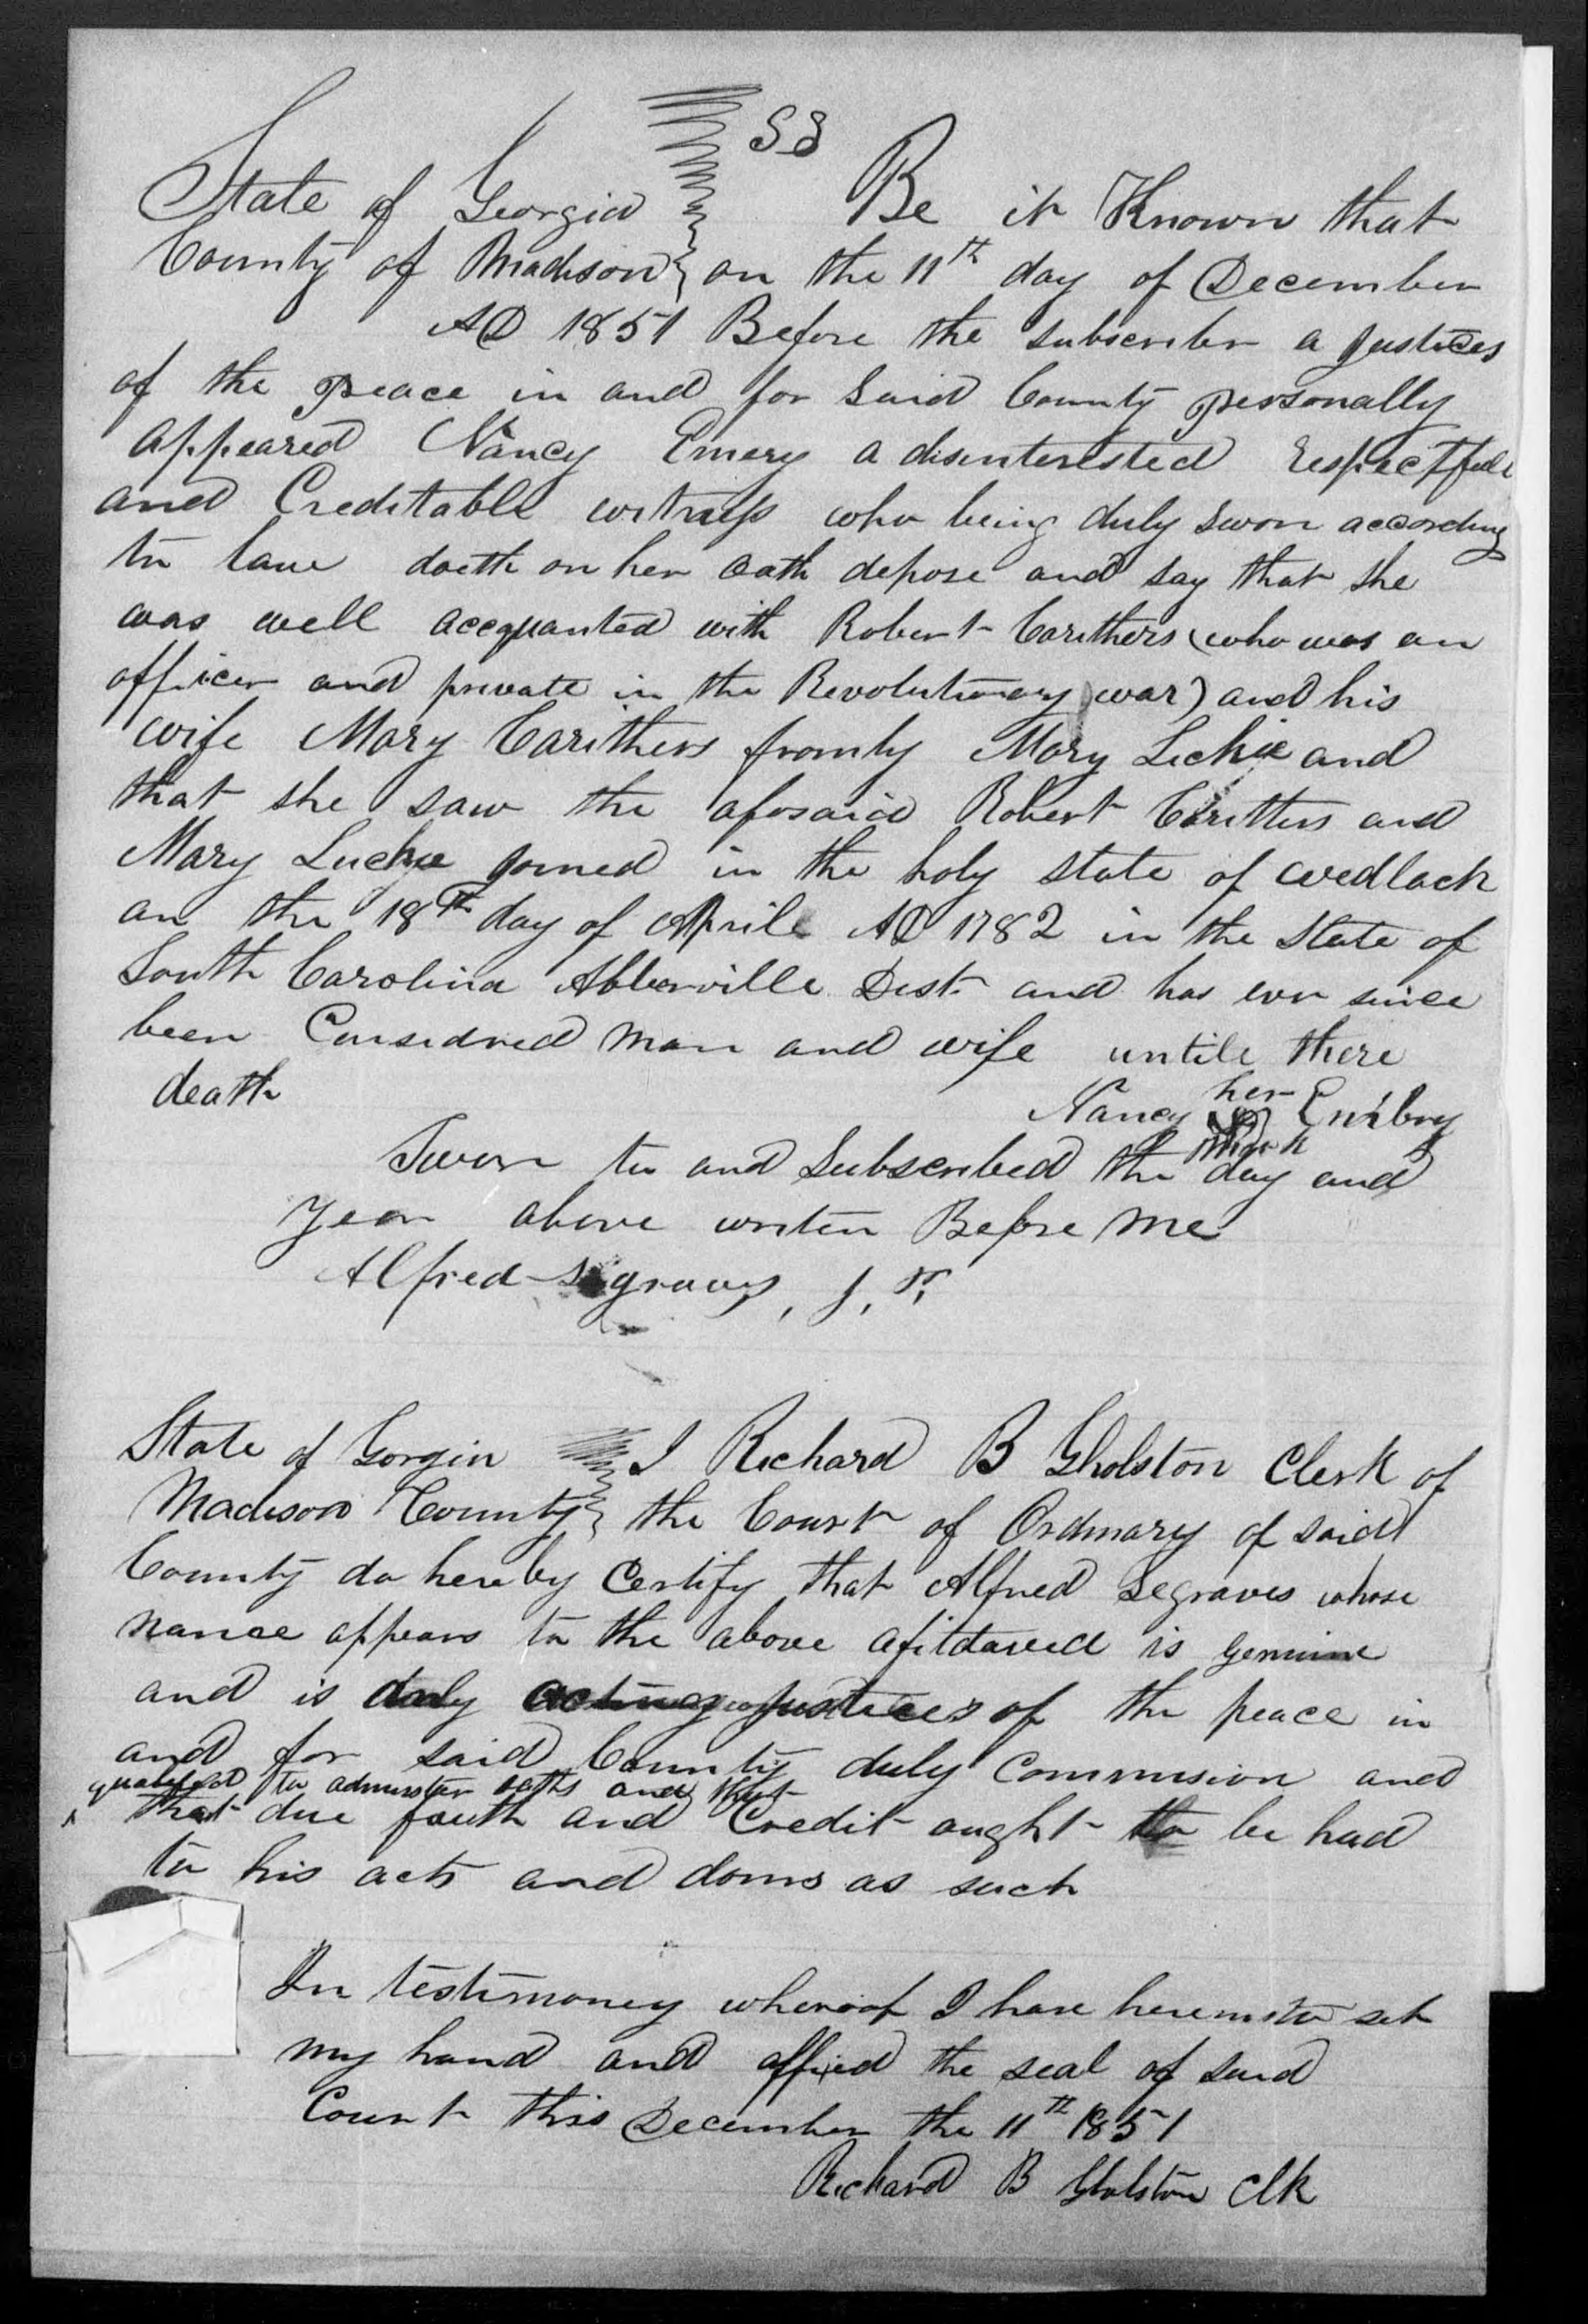[ State of Georgia County of Madison ] SS  Be it known that on the 11th day of December A D 1851 Before the subscriber a Justice of the peace in and for said County personally appeared Nancy Emery a disinterested respectable and creditable witness who being duly sworn according to law doth on her oath depose and say that she was well acquainted with Robert Carithers  ( who was an officer and private in the Revolutionary war ) and his wife Mary Luckie and that she saw  the aforesaid Robert Carithers and Mary Luckie joined in the Holy state of wedlock on the 18th day of April A D 1782 in the State of South Carolina Abbeville Dist. and has ever since been considered man and wife until their death.               ( her mark ) Nancy Embry  Sworn to and subscribed the day and year above written Before me.   Alfred Segraves ( signed ) J.P.  [ State of Georgia Madison County ] I Richard B Gholston  Clerk of the Court of Ordinary  of said County do hereby certify that  Alfred Segraves whos name appears in the above affidavit  is genuine and is an acting Justice of the peace in and for said County  duly commissioned and qualified to administer oaths and that due faith and credit ought to be had in his acts and deeds as such. In testimony whereof I have hereunto set my hand  and affixed the seal of said Court this December the 11th 1852. Richard B Gholston ( signed / sealed ) Clk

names: Alfred Segraves, Mary Carithers, Nancy Emery, Mary Luckie, Nancy Embry, Richard B Gholston, Richard B Gholston, Alfred Segraves, Mary Leckie, Robert Carithers, Robert Carithers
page: 29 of 33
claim: widow's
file: W. 23779, Robert Carithers, S.C.